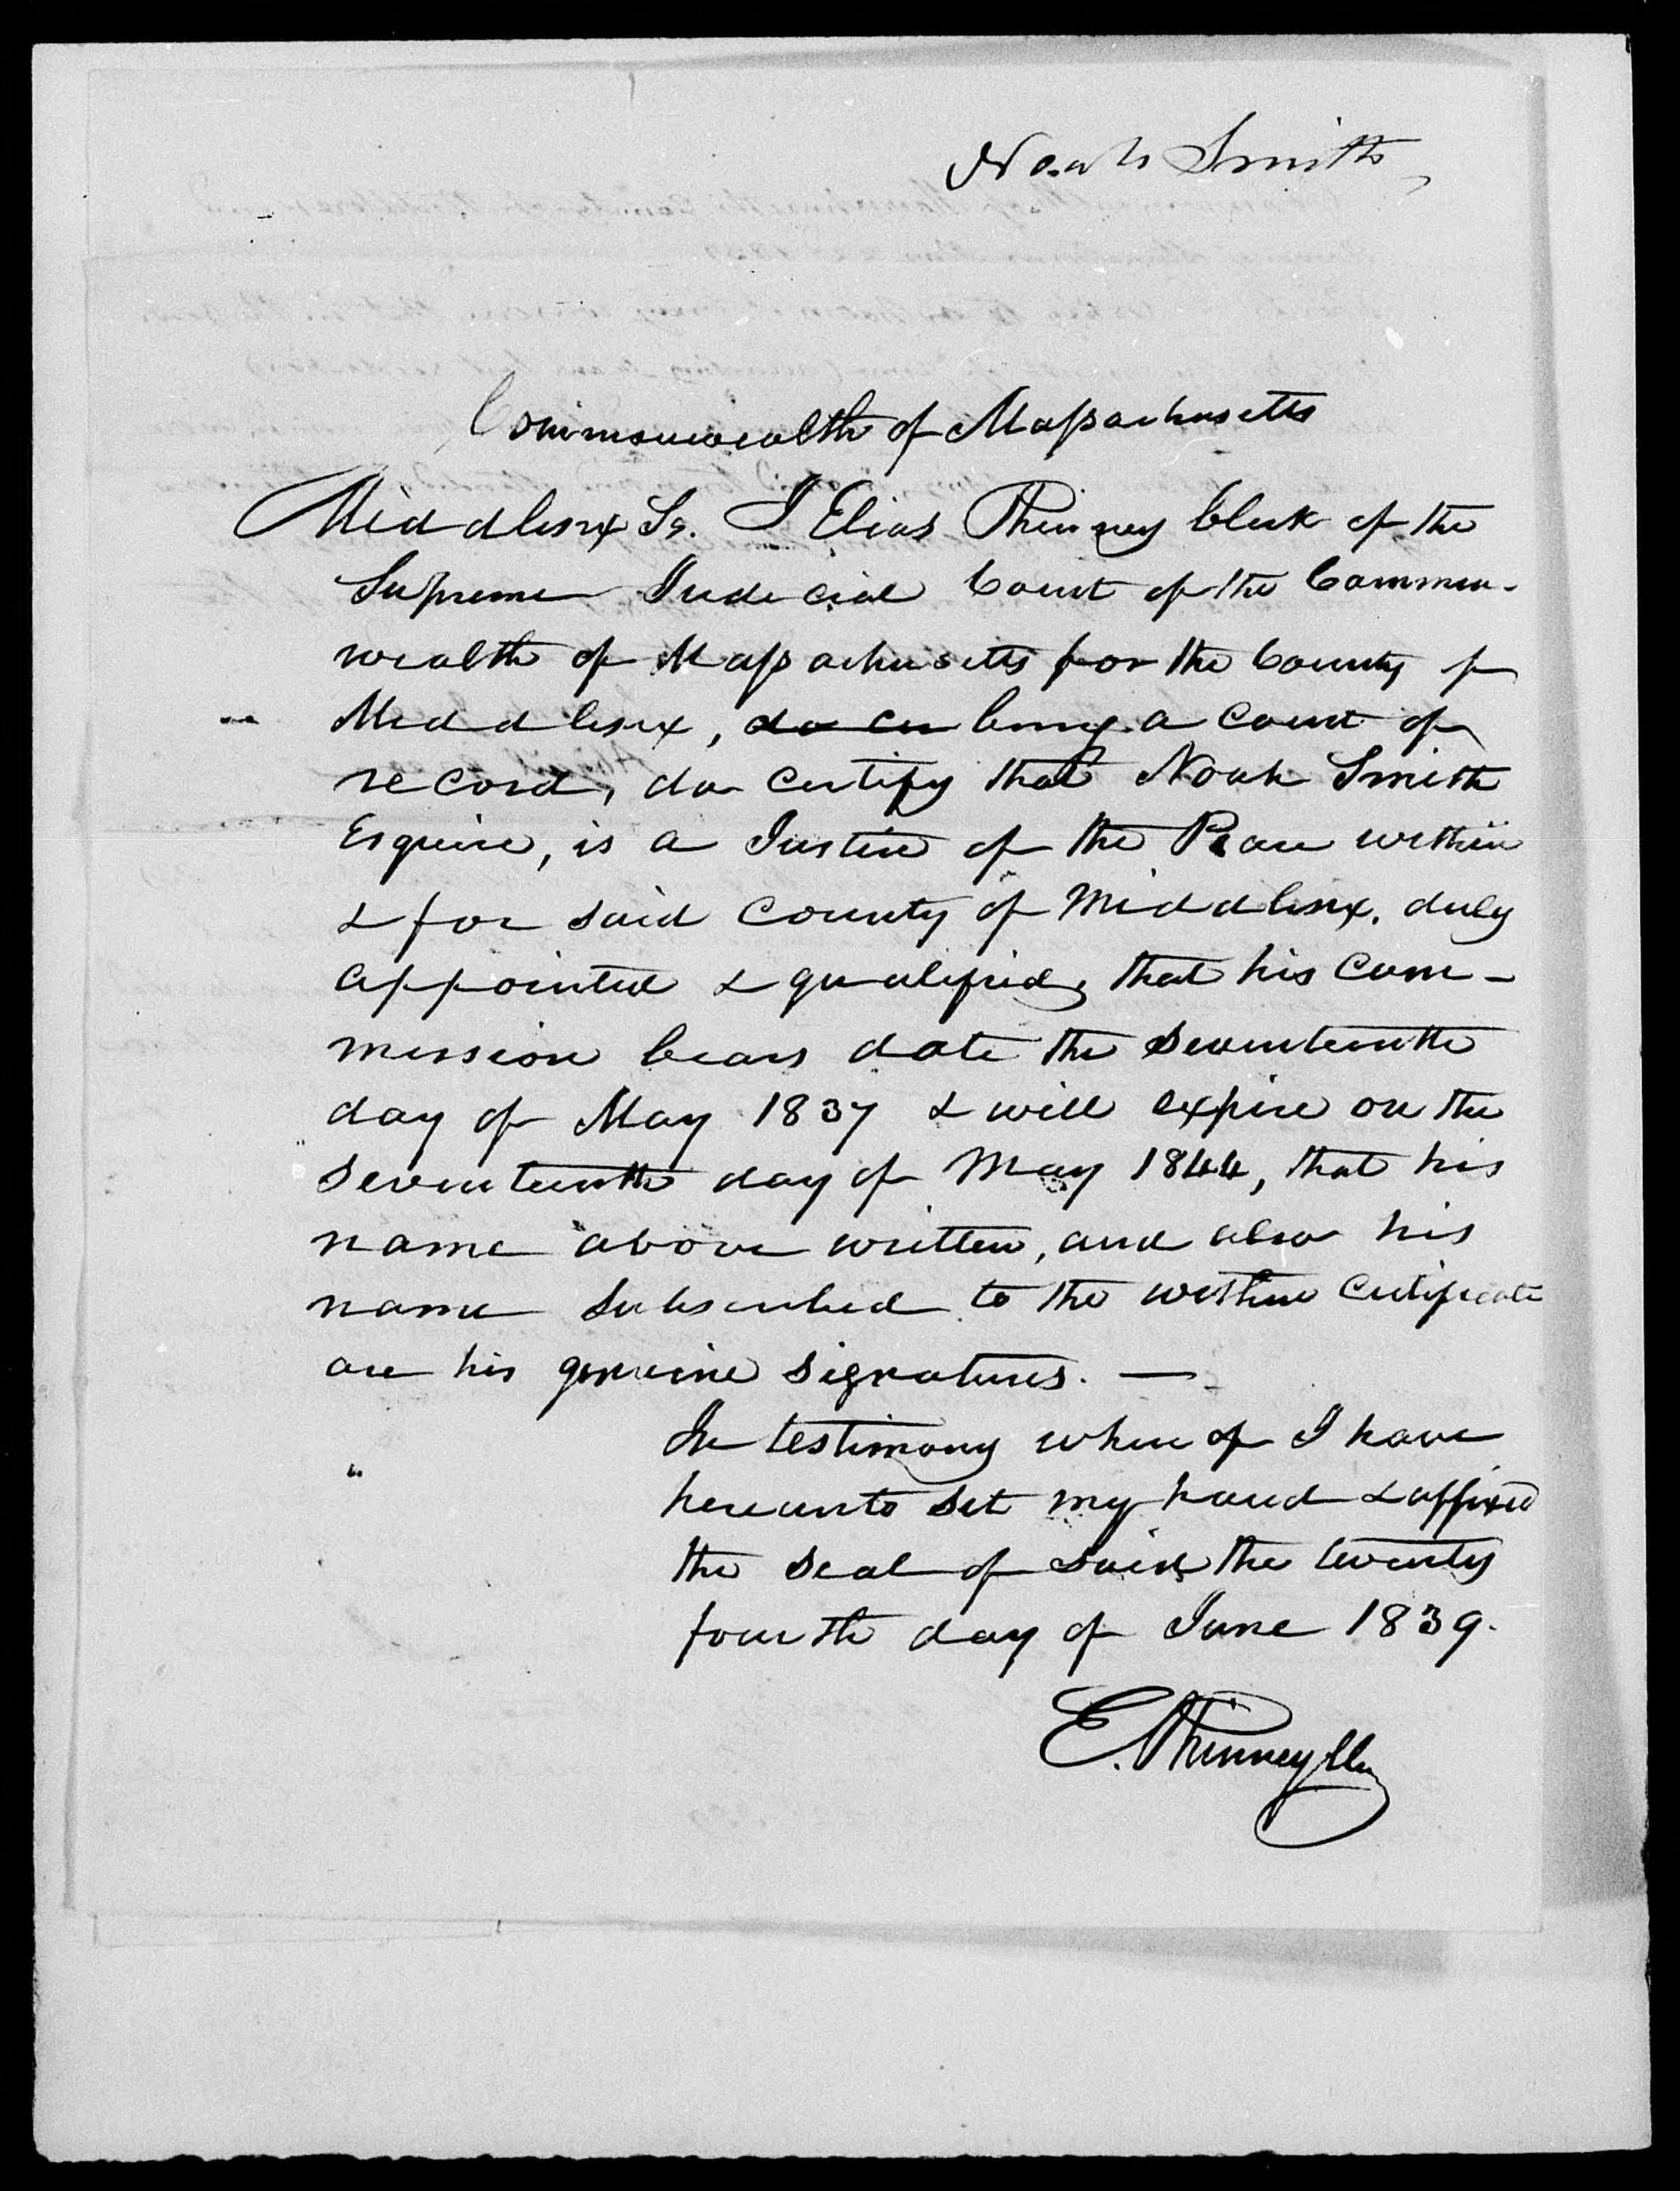Noah Smith
Commonwealth of  Massachusetts
Middlesex Ss.  
I Elias Phinney Clerk of the Supreme Judicial Court of the Commonwealth of Massachusetts for the County of Middlesex, being a court of record, do certify that Noah Smith Esquire, is a Justice of the Peace within aforesaid county of Middlesex, duly appointed and qualified, that his com-mission bears date the Seventeenth day of May 1837 & will expire on the Seventeenth day of May 1844, that his name above written, and also his name subscribed to the witness certificate are his genuine signatures.

In testimony where of I have hereunto set my hand & affixed the seal of said the twenty fourth day of June 1839.
E Phinney Clerk (signature)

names: Elias Phinney, Noah Smith, E Phinney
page: 9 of 26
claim: widow's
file: W. 25619, Gamaliel Gerald, Mass.